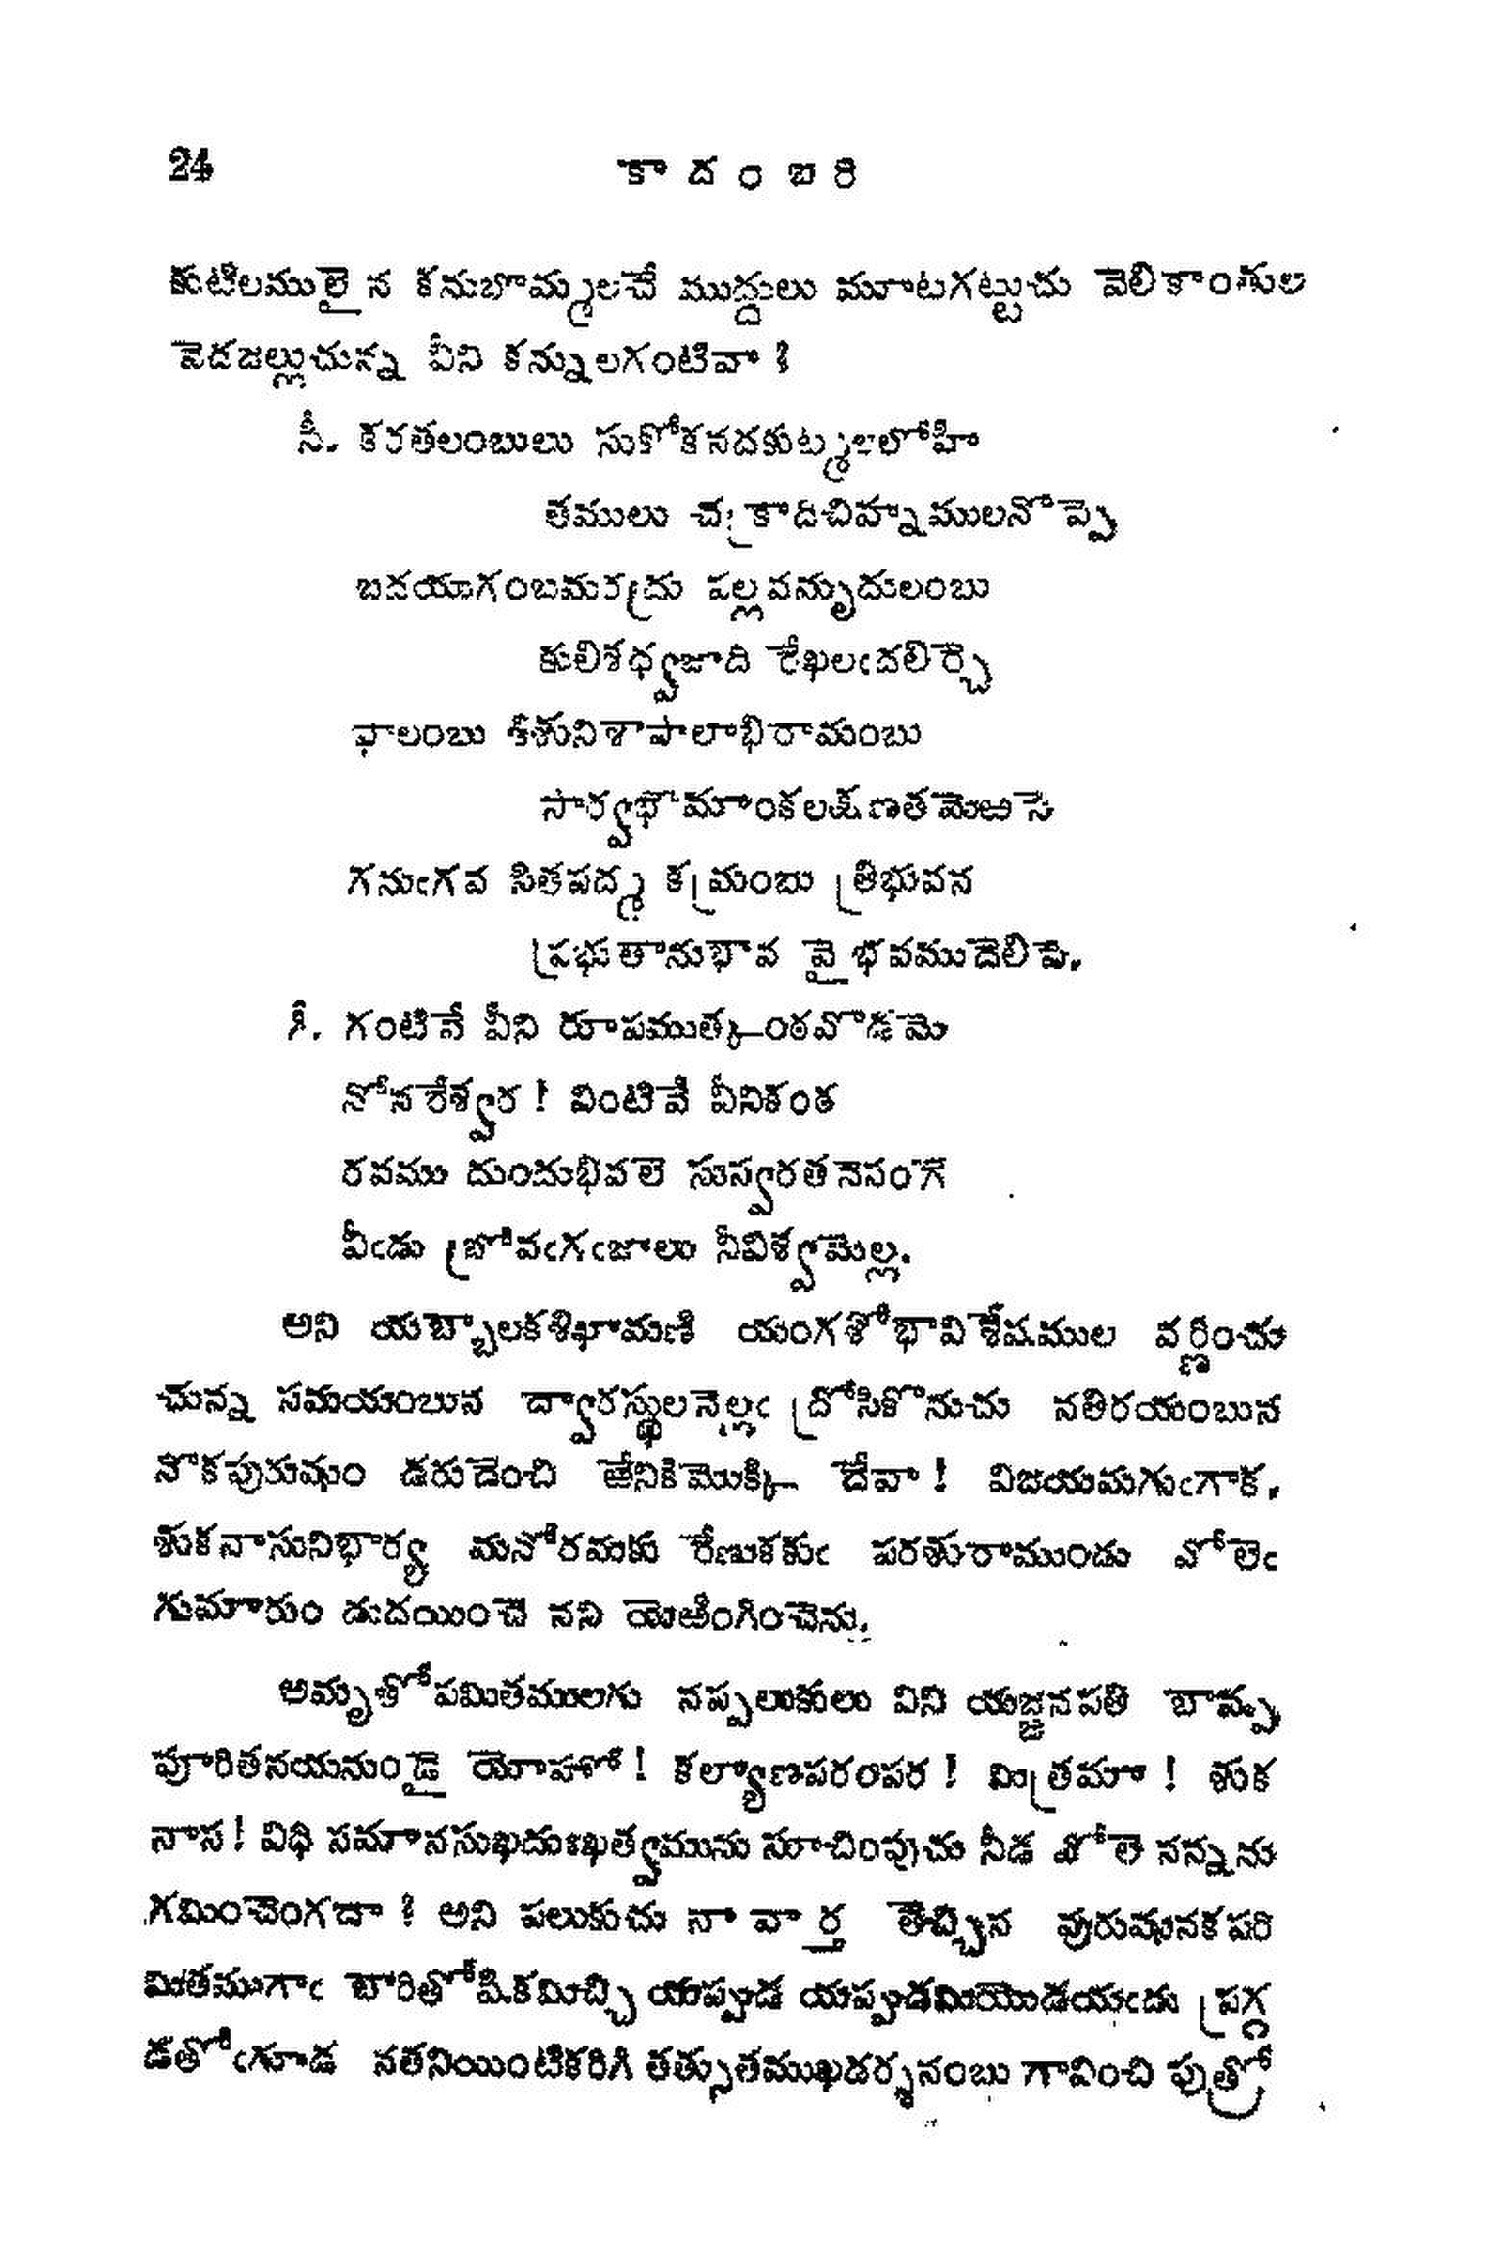కుటిలములైన కనుబొమ్మలచే ముద్దులు మూటగట్టుచు వెలికాంతుల వెదజల్లుచున్న వీని కన్నులగంటివా?

సీ. కరతలంబులు సుకోకనదకుట్మలలోహి
 తములు చక్రాదిచిహ్నములనొప్పె
 బదయుగంబమరద్రు పల్లవమృదులంబు
 కులిశధ్వజాది రేఖలఁదలిర్చె
 ఫాలంబు శిశునిశాపాలాభిరామంబు
 సార్వభౌమాంకలక్షణతమెఱసె
 గనుఁగవ సితపద్మ కమ్రంబు త్రిభువన
 ప్రభుతానుభావ వైభవముదెలిపె.

గీ. గంటివే వీని రూపముత్కంఠవొడమె
 నోనరేశ్వర! వింటివే వీనికంఠ
 రవము దుందుభివలె సుస్వరతనెసంగె
 వీఁడు బ్రోవఁగఁజాలు నీవిశ్వమెల్ల.
అని యబ్బాలకశిఖామణి యంగశోభావిశేషముల వర్ణించుచున్న సమయంబున ద్వారస్థులనెల్లఁ ద్రోసికొనుచు నతిరయంబున నొకపురుషుం డరుదెంచి ఱేనికిమొక్కి దేవా! విజయమగుఁగాక, శుకనాసునిభార్య మనోరమకు రేణుకకుఁ పరశురాముండు వోలెఁ గుమారుం డుదయించె నని యెఱింగించెను.

అమృతోపమితములగు నప్పలుకులు విని యజ్జనపతి బాష్పపూరితనయనుండై యోహో! కల్యాణపరంపర! మిత్రమా! శుకనాస! విధి సమానసుఖదుఃఖత్వమును సూచింపుచు నీడ వోలె నన్ననుగమించెంగదా? అని పలుకుచు నా వార్త తెచ్చిన పురుషునకపరిమితముగాఁ బారితోషికమిచ్చి యప్పుడ యప్పుడమియొడయఁడు స్రగ్గడతోఁగూడ నతనియింటికరిగి తత్సుతముఖదర్శనంబు గావించి పుత్రో